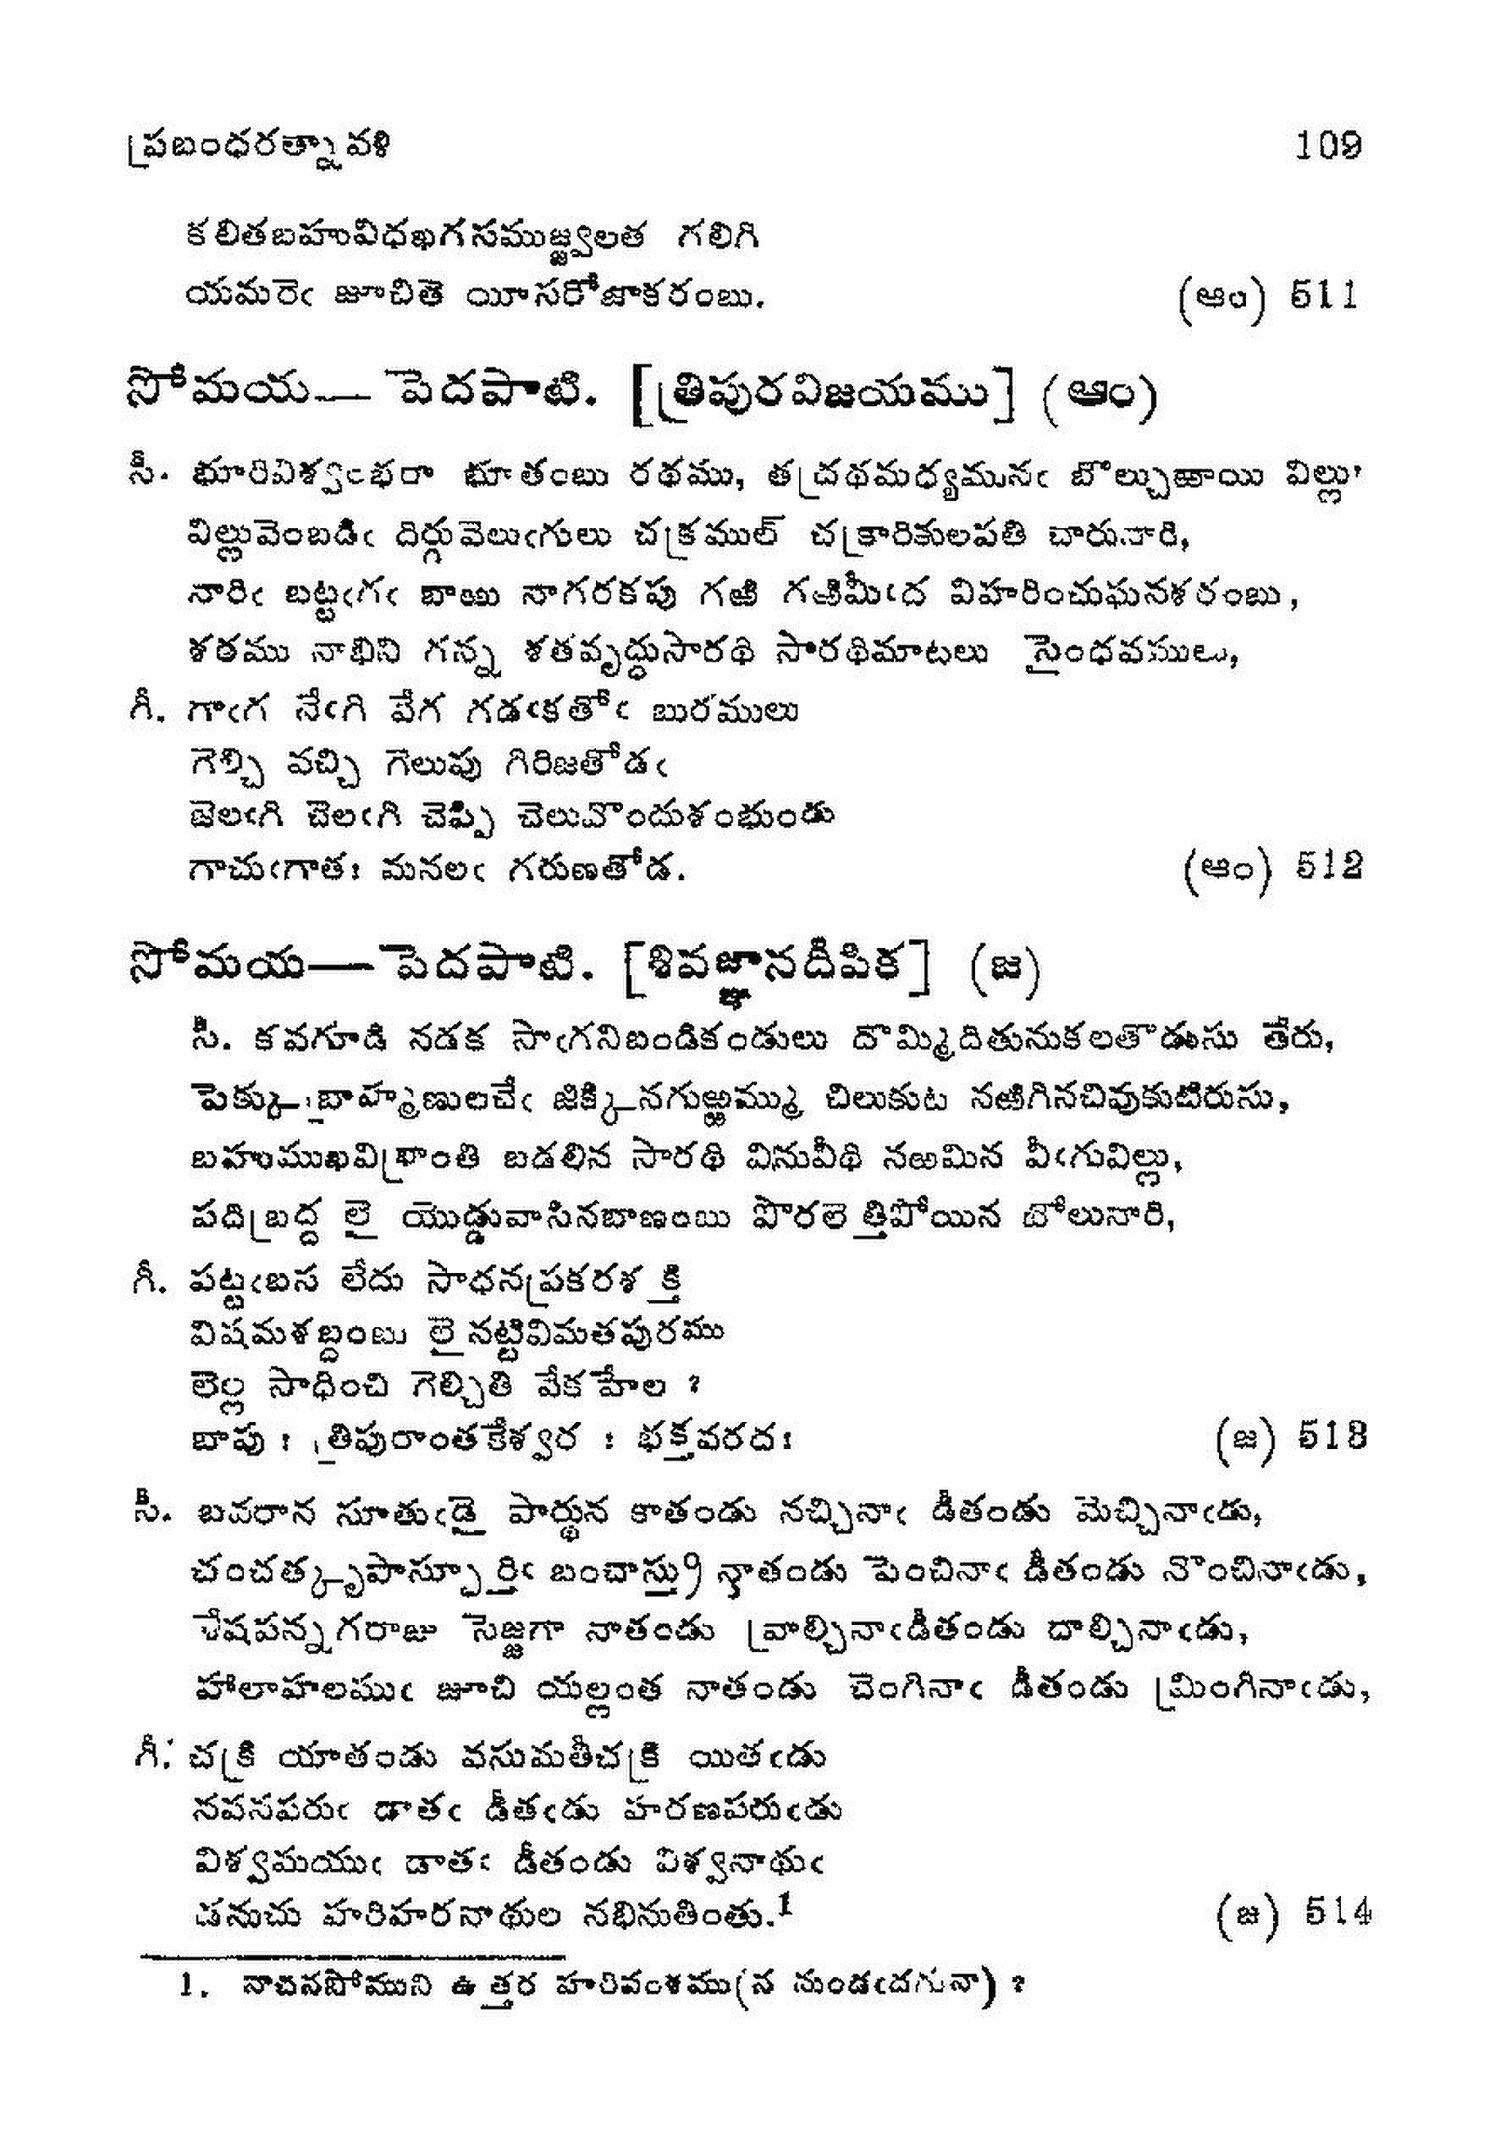కలితబహువిధ ఖగసముజ్జ్వలత గలిగి
యమరెఁ జూచితె యీ సరోజాకరంబు. (ఆం) 511

సోమయ, పెదపాటి [త్రిపురవిజయము] (ఆం)
సీ. భూరివిశ్వంభరాభూతంబు రథము, త ద్రథమధ్యమునఁ బొల్చు ఱాయి విల్లు,
విల్లువెంబడిఁ దిర్గువెలుఁగులు చక్రముల్ చక్రారికులపతి చారు నారి,
నారిఁ బట్టఁగఁ బాఱు నాగరకపు గఱి గఱిమీఁద విహరించు ఘన శరంబు,
శరము నాభిని గన్న శతవృద్ధు సారథి సారథి మాటలు సైంధవములు,
ఆ. గాఁగ నేఁగి వేగ గడఁకతోఁ బురములు
గెల్చి వచ్చి గెలుపు గిరిజతోడఁ
జెలఁగి చెలఁగి చెప్పి చెలువొందుశంభుండు
గాచుఁగాత! మనలఁ గరుఁ తోడ. (ఆం) 512

సోమయ, పెదపాటి [శివజ్ఞానదీపిక] (జ)
సీ. కవగూడి నడక సాఁగని బండికండులు దొమ్మిది తునుకల తొడుసు తేరు,
పెక్కుబ్రాహ్మణులచేఁ జిక్కినగుఱ్ఱమ్ము చిలుకుట నఱిగిన చివుకు టిరుసు,
బహుముఖ విభ్రాంతిఁ బడలిన సారథి వినువీథి నఱిగిన 4వీఁగు విల్లు,
పదిబ్రద్దలై యొడ్డువాసిన బాణంబు పొరలెత్తిపోయిన బోలు నారి,
తే. పట్టఁబస లేదు సాధనప్రకరశక్తి
విషమశబ్దంబులైనట్టి విమతపురము
లెల్ల సాధించి గెల్చితి వేక హేల?
బావు! త్రిపురాంతకేశ్వర! భక్తవరద! (జ) 513

సీ. బవరాన సూతుఁడై పార్థున కాతండు నచ్చినాఁ డీతండు మెచ్చినాఁడు,
చంచత్కృపాస్ఫూర్తిఁ బంచాస్త్రు నాతండు పెంచినాఁ డీతండు నొంచినాఁడు,
శేషపన్నగరాజు సెజ్జగా నాతండు వ్రాల్చినాఁ డీతండు దాల్చినాఁడు,
హాలాహలముఁ జూచి యల్లంత నాతండు చెంగినాఁ డీతండు మ్రింగినాఁడు,
తే. చక్రి యాతండు వసుమతీచక్రి యితఁడు
నవనపరుఁ డాతఁ డీతఁడు హరణపరుఁడు
విశ్వమయుఁ డాతఁ డీతండు విశ్వనాథుఁ
డనుచు హరిహరనాథుల నభినుతింతు. (జ) 514